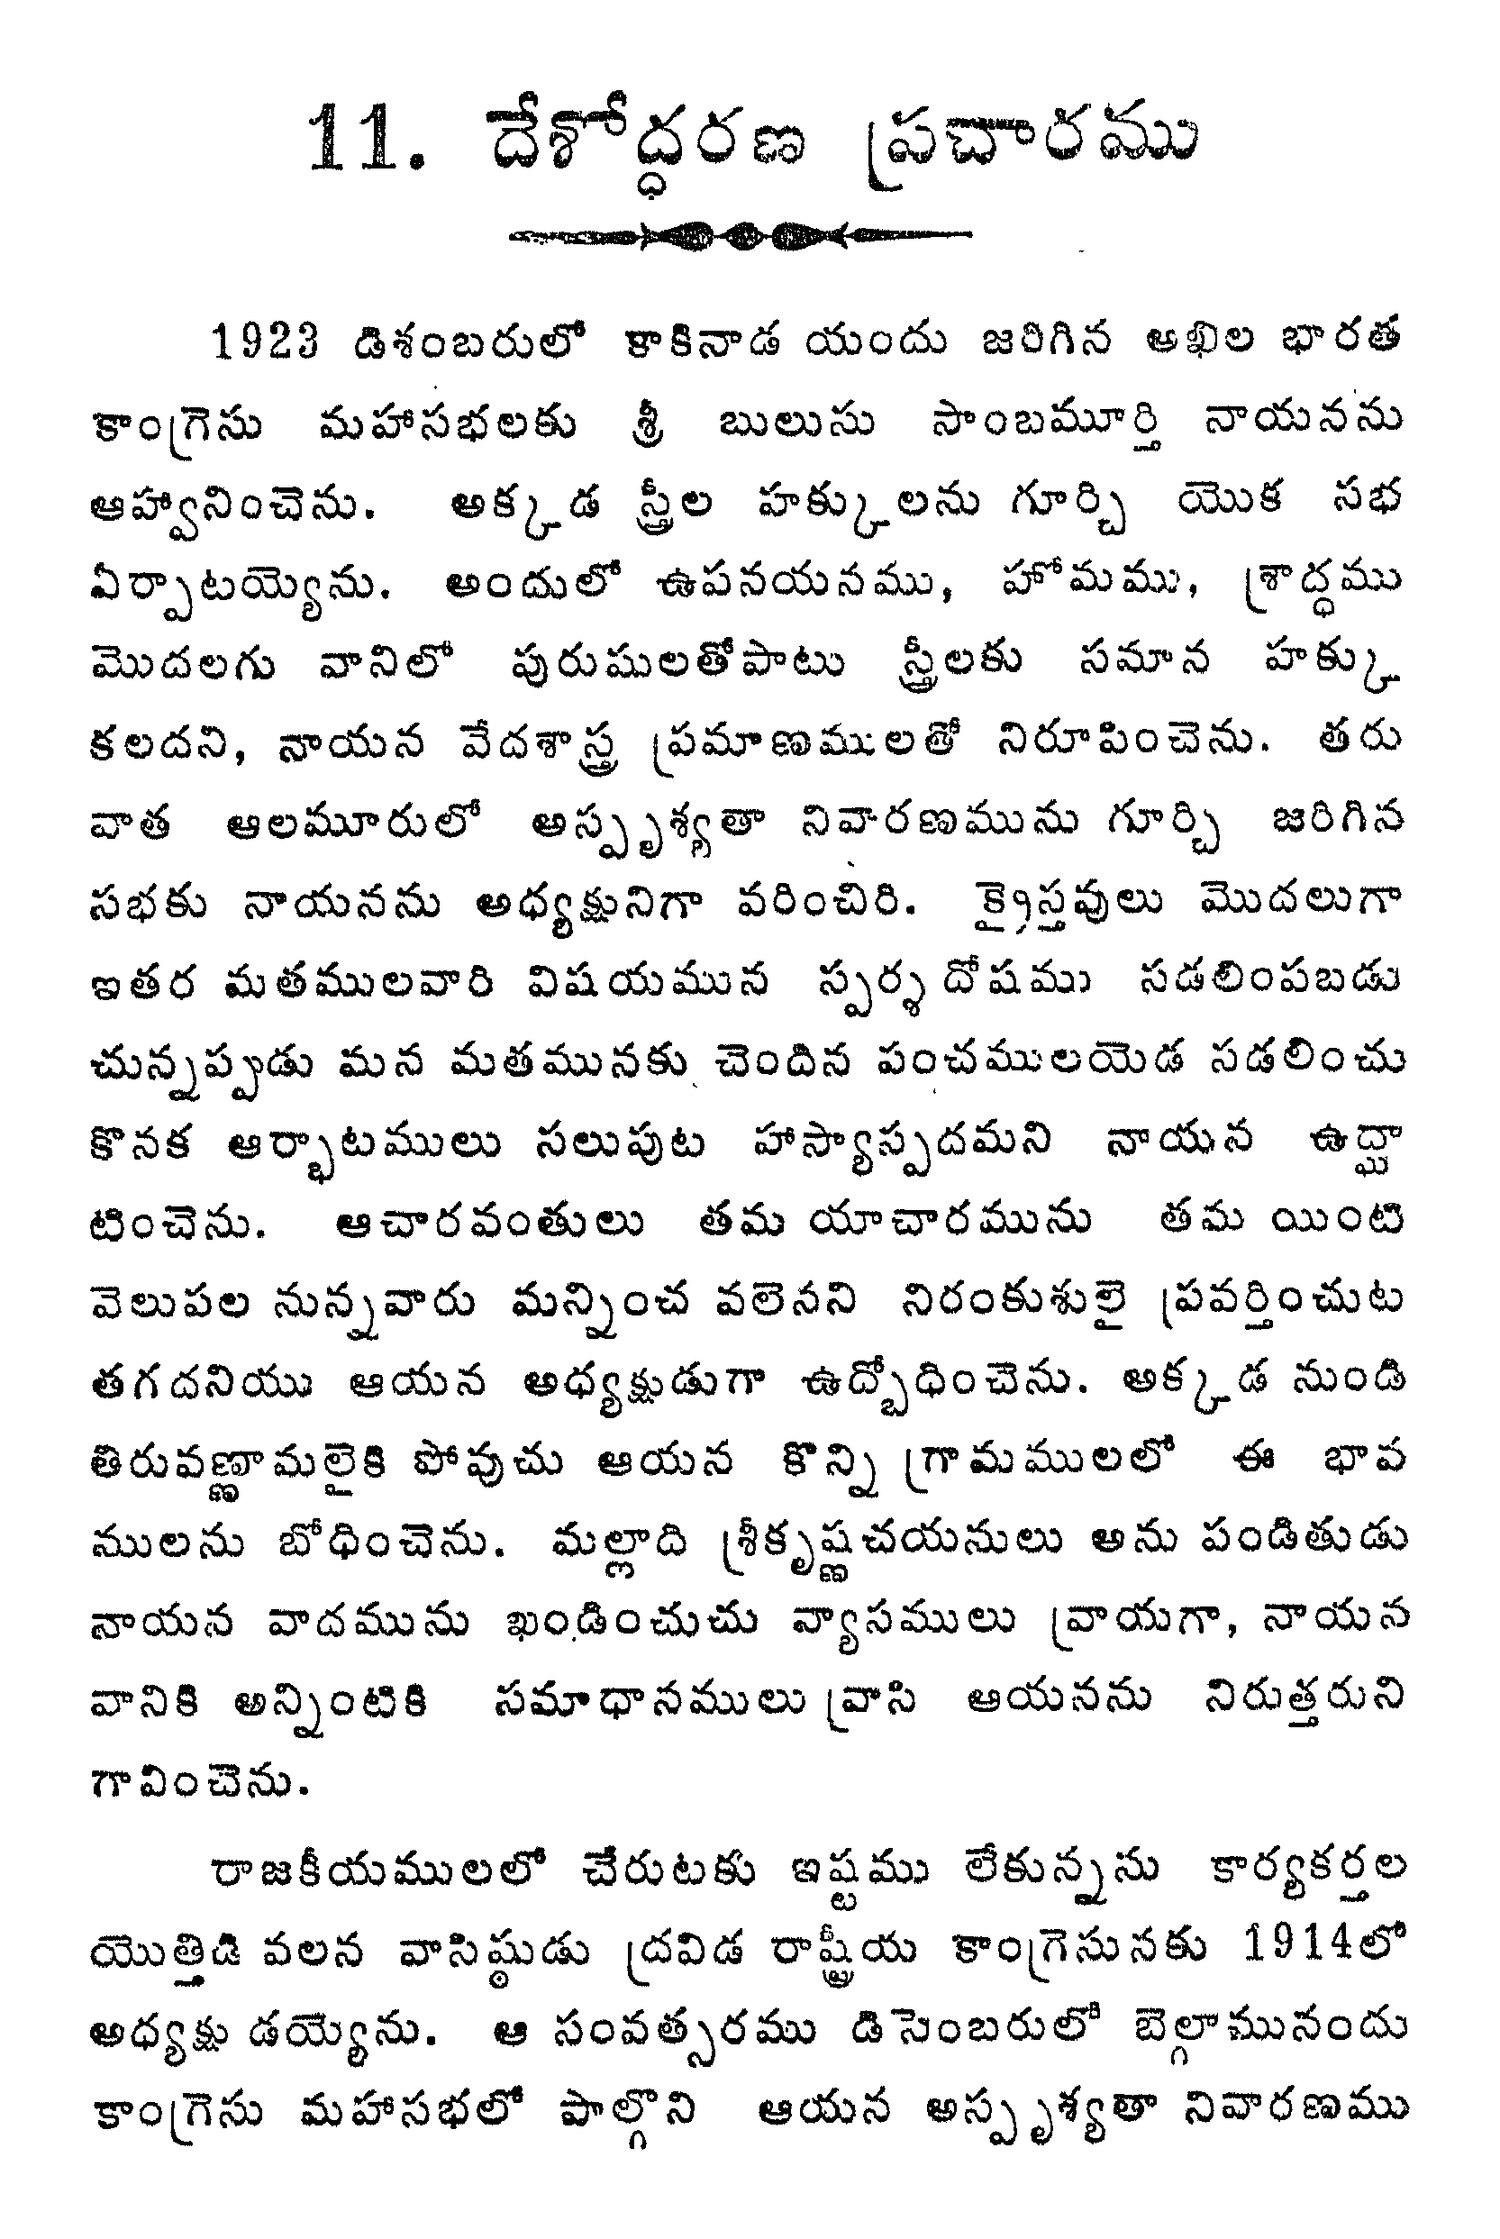1923 డిశంబరులో కాకినాడ యందు జరిగిన అఖిల భారత కాంగ్రెసు మహాసభలకు శ్రీ బులుసు సాంబమూర్తి నాయనను ఆహ్వానించెను. అక్కడ స్త్రీల హక్కులను గూర్చి యొక సభ ఏర్పాటయ్యెను. అందులో ఉపనయనము, హోమము, శ్రాద్దము మొదలగు వానిలో పురుషులతోపాటు స్త్రీలకు సమాన హక్కు కలదని, నాయన వేదశాస్త్ర ప్రమాణములతో నిరూపించెను. తరువాత ఆలమూరులో అస్పృశ్యతా నివారణమును గూర్చి జరిగిన సభకు నాయనను అధ్యక్షునిగా వరించిరి. క్రైస్తవులు మొదలుగా ఇతర మతములవారి విషయమున స్పర్శదోషము సడలింపబడు చున్నప్పుడు మన మతమునకు చెందిన పంచములయెడ సడలించు కొనక ఆర్భాటములు సలుపుట హాస్యాస్పదమని నాయన ఉద్ఘాటించెను. ఆచారవంతులు తమ యాచారమును తమ యింటి వెలుపల నున్నవారు మన్నించ వలెనని నిరంకుశులై ప్రవర్తించుట తగదనియు ఆయన అధ్యక్షుడుగా ఉద్బోదించెను. అక్కడ నుండి తిరువణ్ణామలైకి పోవుచు ఆయన కొన్ని గ్రామములలో ఈ భావములను బోధించెను. మల్లాది శ్రీకృష్ణచయనులు అను పండితుడు నాయన వాదమును ఖండించుచు వ్యాసములు వ్రాయగా, నాయన వానికి అన్నింటికి సమాధానములు వ్రాసి ఆయనను నిరుత్తరుని గావించెను.

రాజకీయములలో చేరుటకు ఇష్టము లేకున్నను కార్యకర్తల యొత్తిడి వలన వాసిష్ఠుడు ద్రవిడ రాష్ట్రీయ కాంగ్రెసునకు 1914 లో అధ్యక్షు డయ్యెను. ఆ సంవత్సరము డిసెంబరులో బెల్గామునందు కాంగ్రెసు మహాసభలో పాల్గొని ఆయన అస్పృశ్యతా నివారణము